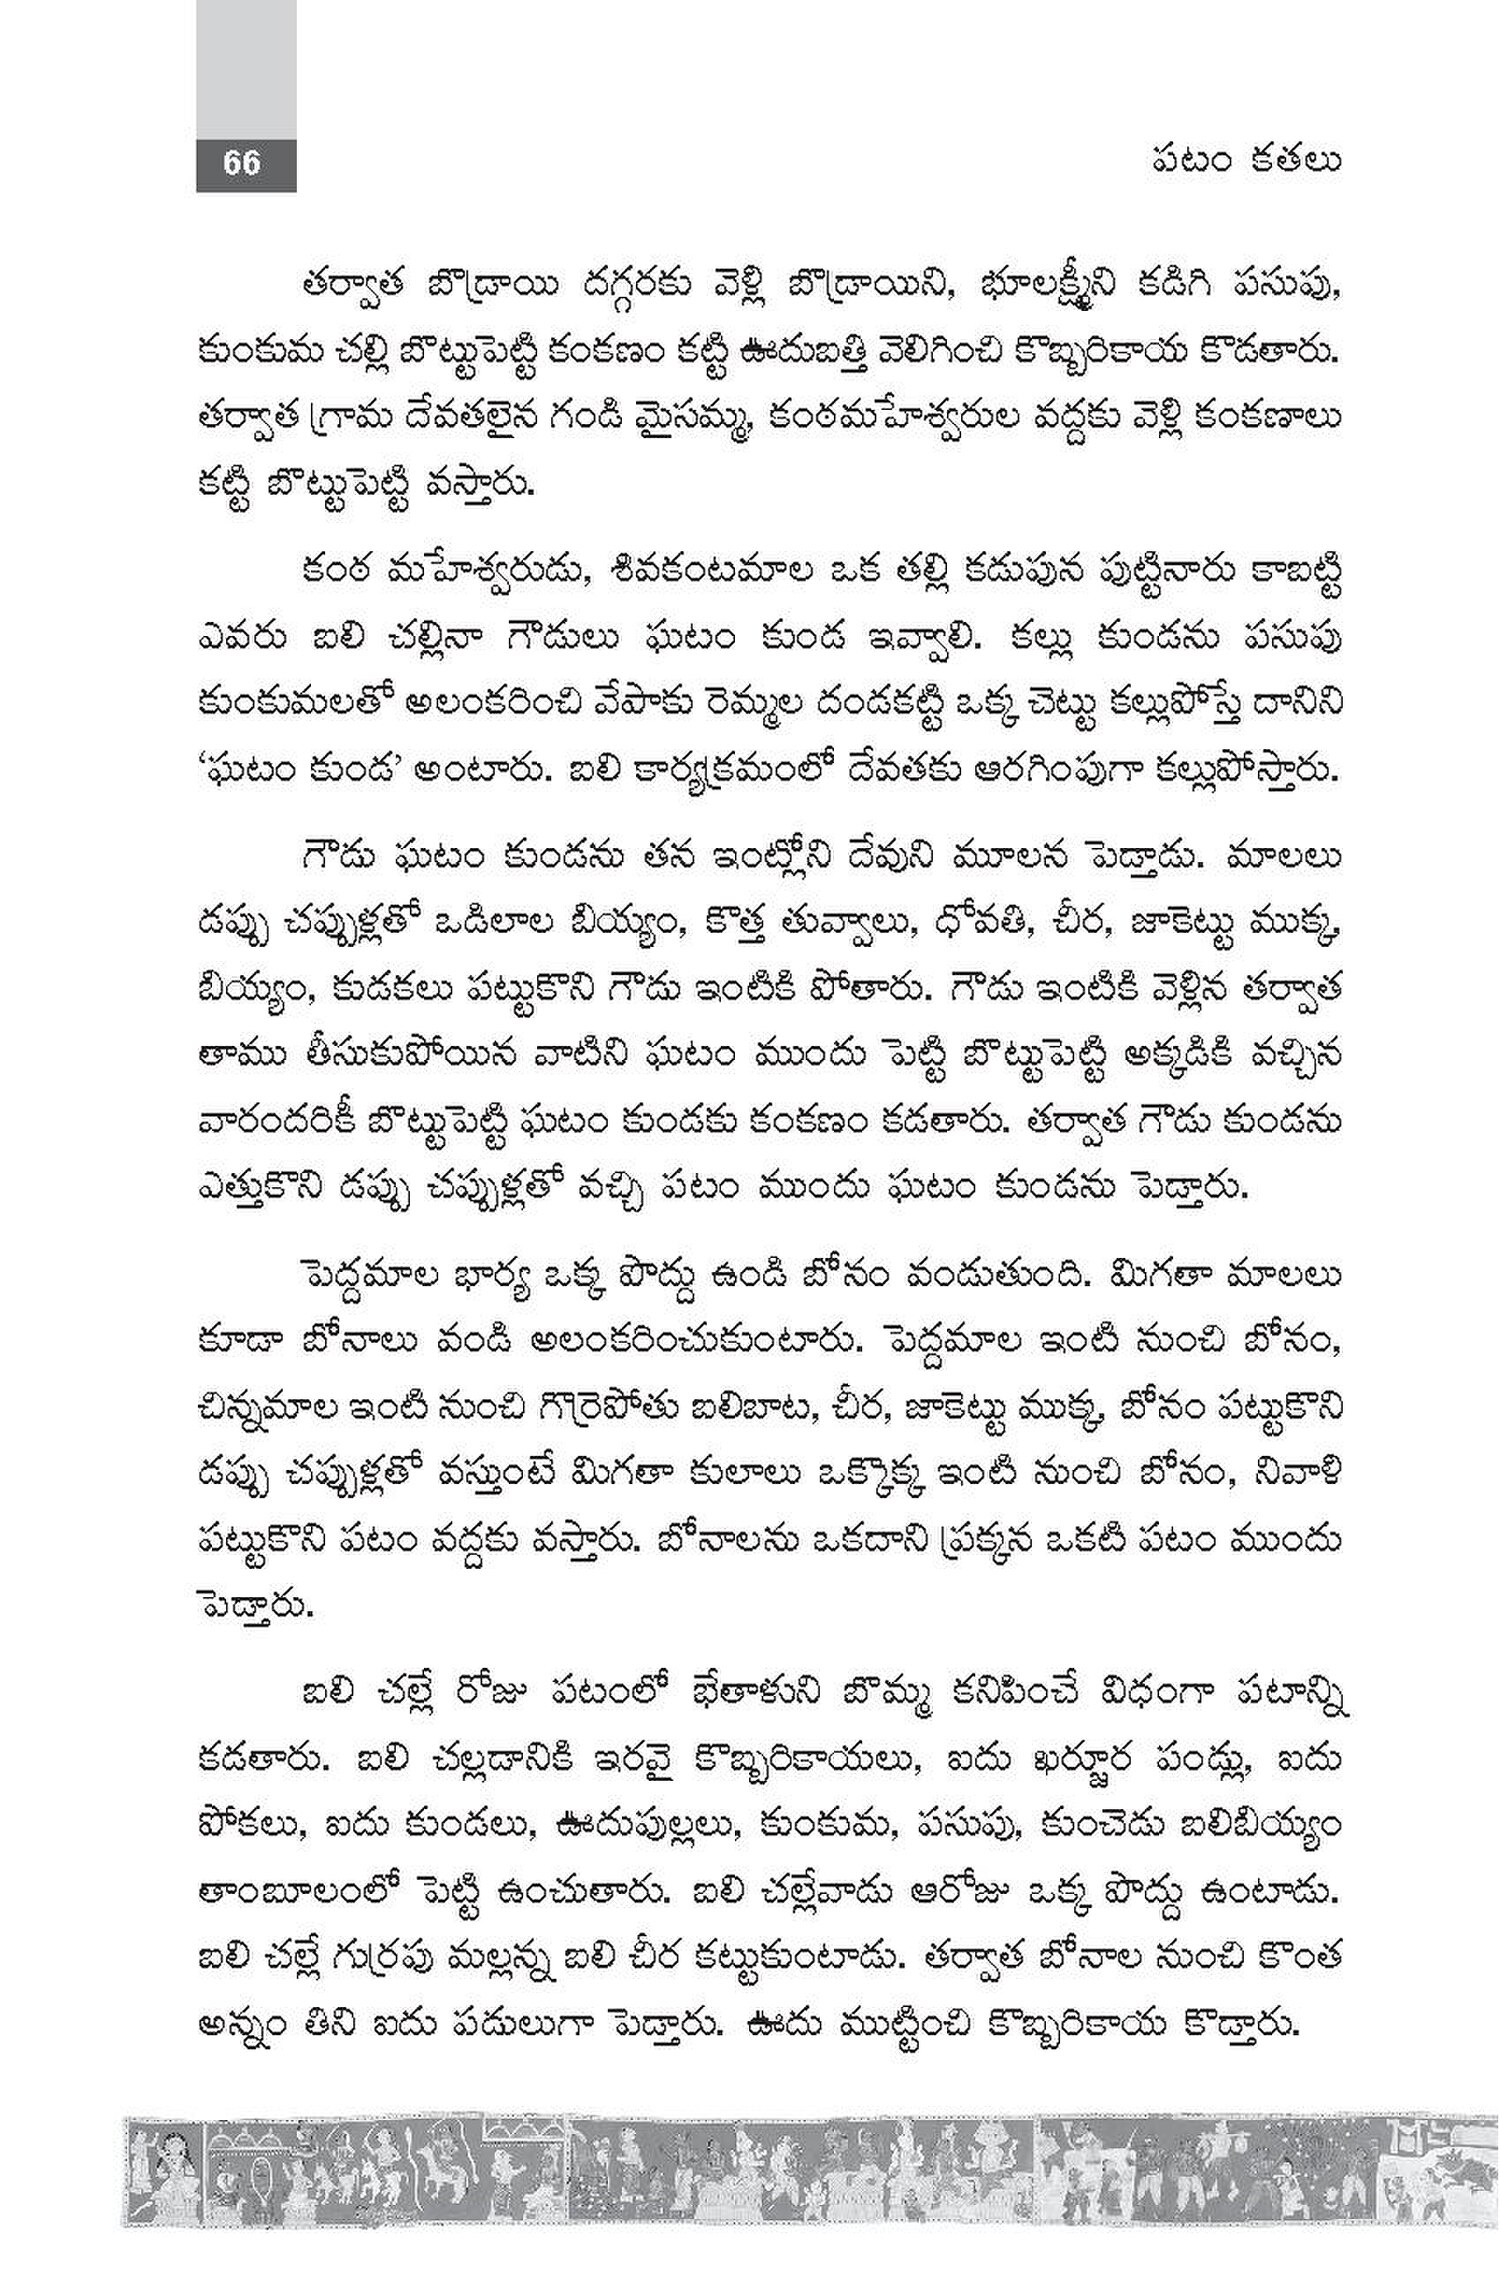తర్వాత బొడ్రాయి దగ్గరకు వెళ్లి బొడ్రాయిని, భూలక్ష్మీని కడిగి పసుపు, కుంకుమ చల్లి బొట్టుపెట్టి కంకణం కట్టి ఊదుబత్తి వెలిగించి కొబ్బరికాయ కొడతారు. తర్వాత గ్రామ దేవతలైన గండి మైసమ్మ, కంఠమహేశ్వరుల వద్దకు వెళ్లి కంకణాలు
కట్టి బొట్టుపెట్టి వస్తారు.

కంఠ మహేశ్వరుడు, శివకంటమాల ఒక తల్లి కడుపున పుట్టినారు కాబట్టి ఎవరు బలి చల్లినా గౌడులు ఘటం కుండ ఇవ్వాలి. కల్లు కుండను పసుపు కుంకుమలతో అలంకరించి వేపాకు రెమ్మల దండకట్టి ఒక్క చెట్టు కల్లుపోస్తే దానిని
'ఘటం కుంద' అంటారు. బలి కార్యక్రమంలో దేవతకు ఆరగింపుగా కల్లుపోస్తారు.

గౌడు ఘటం కుండను తన ఇంట్లోని దేవుని మూలన పెడ్తాడు. మాలలు డప్పు చప్పుళ్లతో ఒడిలాల బియ్యం, కొత్త తువ్వాలు, ధోవతి, చీర, జాకెట్టు ముక్క, బియ్యం, కుడకలు పట్టుకొని గౌడు ఇంటికి పోతారు. గౌడు ఇంటికి వెళ్లిన తర్వాత తాము తీసుకుపోయిన వాటిని ఘటం ముందు పెట్టి బొట్టుపెట్టి అక్కడికి వచ్చిన వారందరికీ బొట్టుపెట్టి ఘటం కుండకు కంకణం కడతారు. తర్వాత గౌడు కుండను ఎత్తుకొని డప్పు చప్పుళ్లతో వచ్చి పటం ముందు ఘటం కుండను పెడ్తారు.

పెద్దమాల భార్య ఒక్క పొద్దు ఉండి బోనం వండుతుంది. మిగతా మాలలు కూడా బోనాలు వండి అలంకరించుకుంటారు. పెద్దమాల ఇంటి నుంచి బోనం, చిన్నమాల ఇంటి నుంచి గొర్రెపోతు బలిబాట, చీర, జాకెట్టు ముక్క, బోనం పట్టుకొని
డప్పు చప్పుళ్లతో వస్తుంటే మిగతా కులాలు ఒక్కొక్క ఇంటి నుంచి బోనం, నివాళి పట్టుకొని పటం వద్దకు వస్తారు. బోనాలను ఒకదాని ప్రక్కన ఒకటి పటం ముందు పెడ్తారు.

బలి చల్లే రోజు పటంలో భేతాళుని బొమ్మ కనిపించే విధంగా పటాన్ని కడతారు. బలి చల్లడానికి ఇరవై కొబ్బరికాయలు, ఐదు ఖర్జూర పండ్లు, ఐదు పోకలు, ఐదు కుండలు, ఊదుపుల్లలు, కుంకుమ, పసుపు, కుంచెడు బలిబియ్యం
తాంబూలంలో పెట్టి ఉంచుతారు. బలి చల్లేవాడు ఆరోజు ఒక్క పొద్దు ఉంటాడు. బలి చల్లే గుర్రపు మల్లన్న బలి చీర కట్టుకుంటాడు. తర్వాత బోనాల నుంచి కొంత అన్నం తిని ఐదు పదులుగా పెడ్తారు. ఊదు ముట్టించి కొబ్బరికాయ కొడ్తారు.